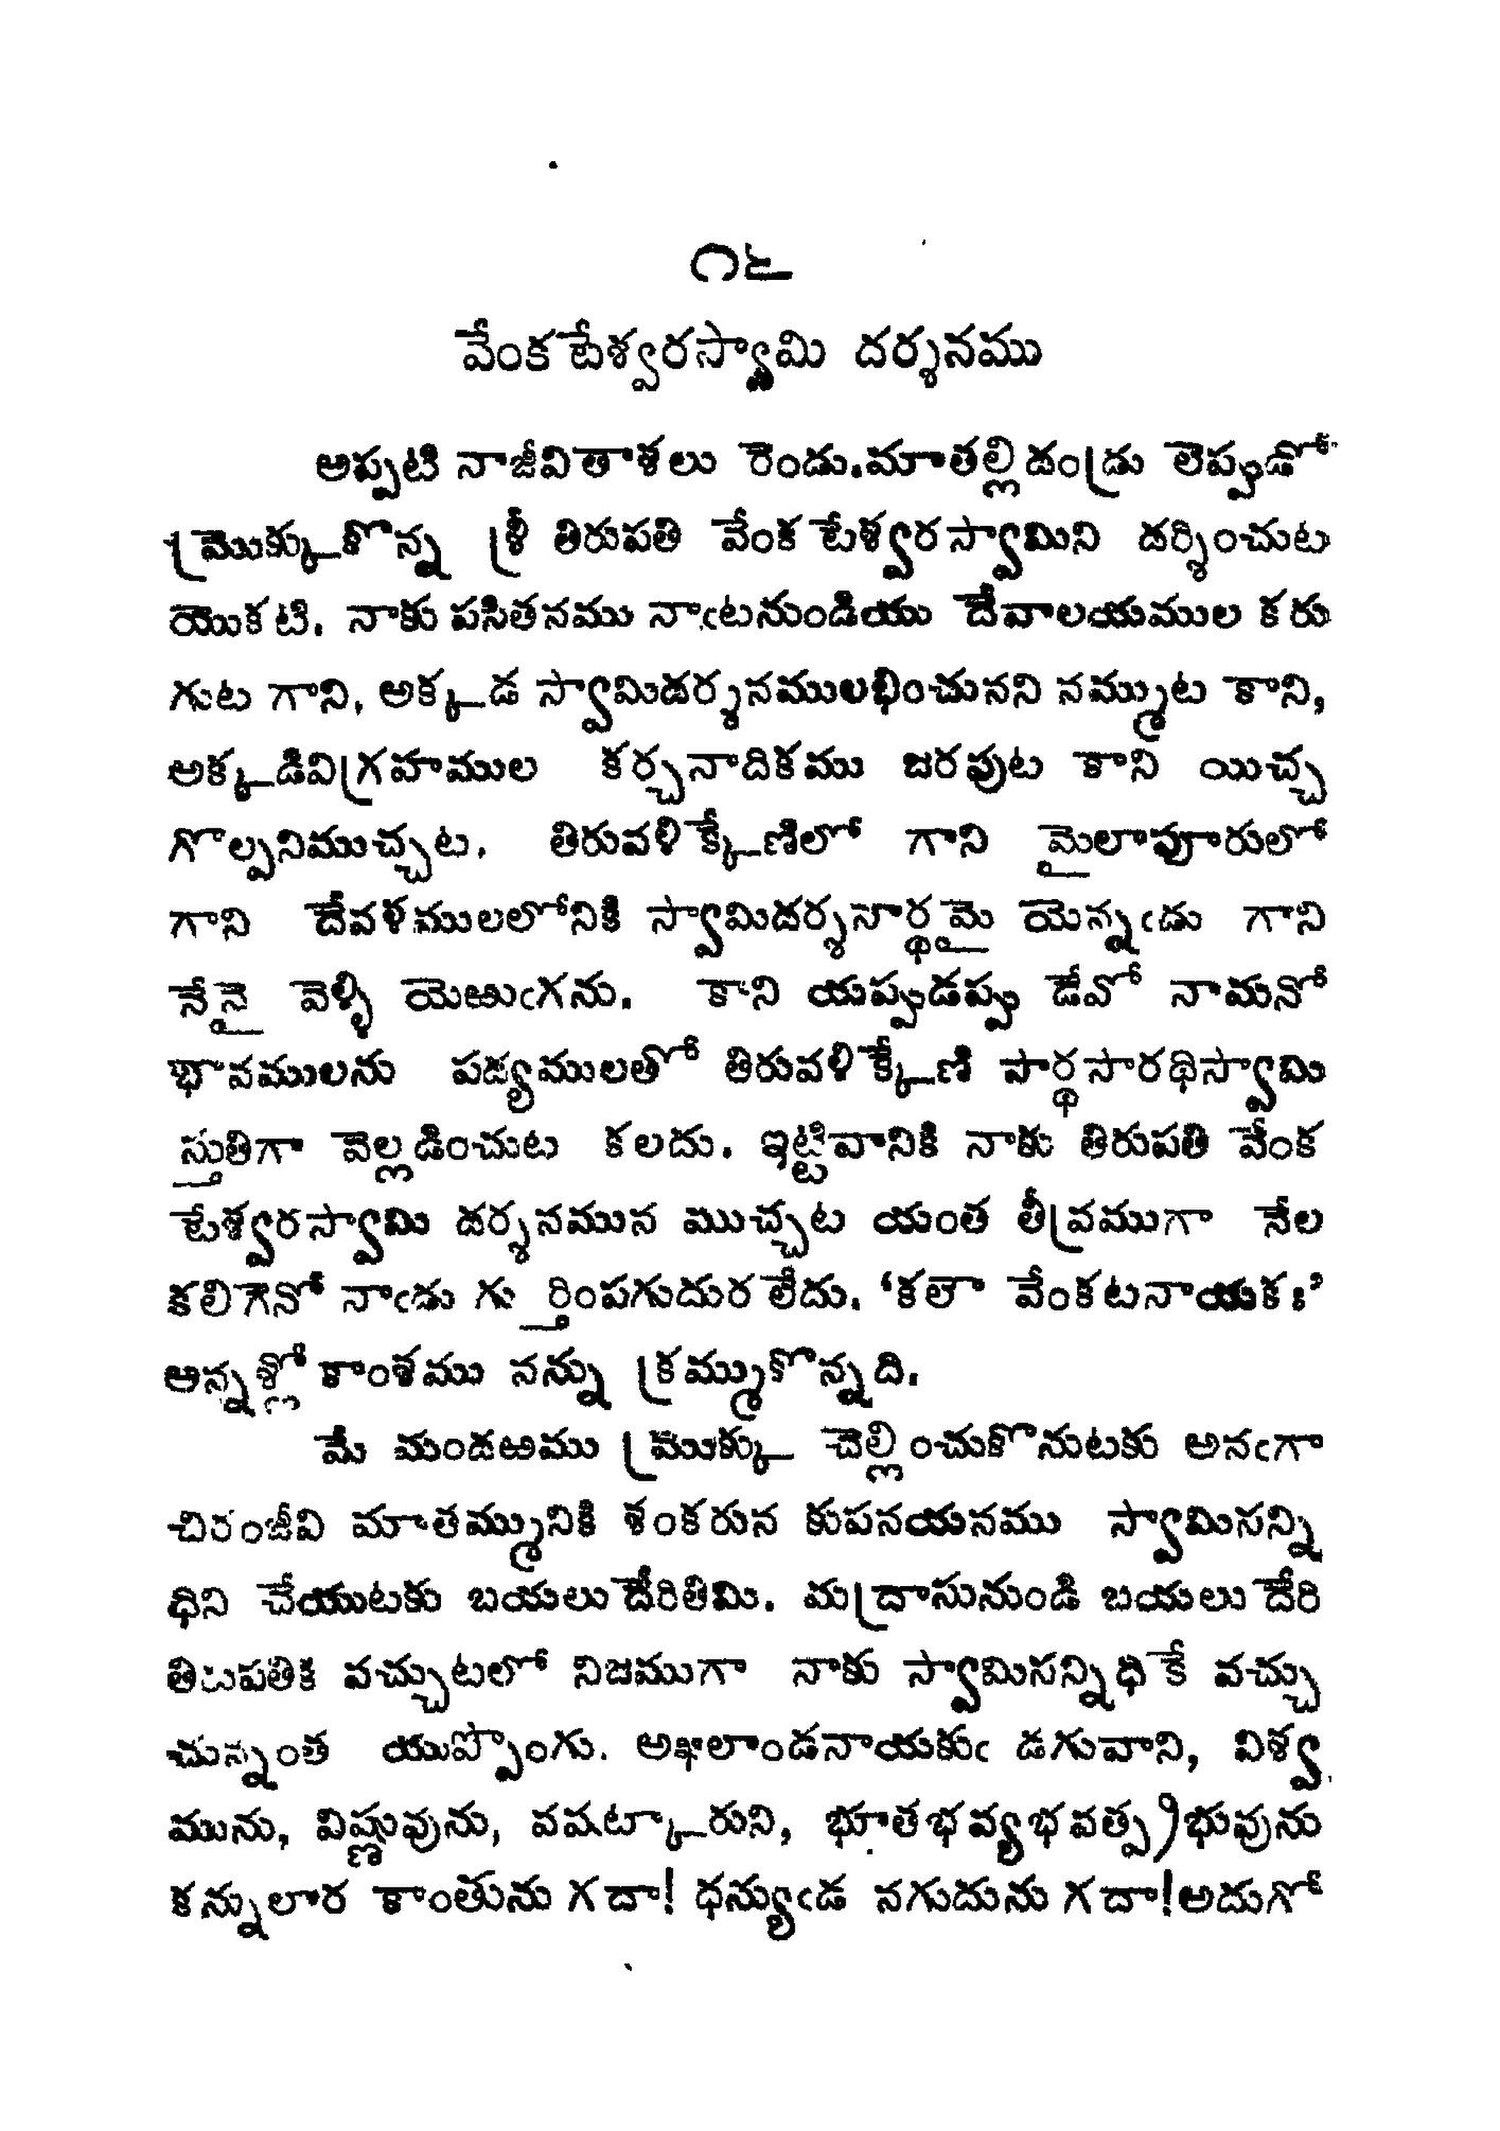అప్పటి నా జీవితాశలు రెండు. మా తల్లిదండ్రు లేప్పుడో మ్రొక్కు కొన్న శ్రీ తిరుపతి వేంకటేశ్వర స్వామి ని దర్శించుట యొకటి. నాకు పసితనము నాఁట నుండియు దేవాలయముల కరుగుటగాని, అక్కడ స్వామి దర్శనము లభించునని నమ్ముట కానియిచ్చ్జ గొల్పని ముచ్చట. తిరువళిక్కేణిలో గాని మైలాపూరులో గాని దేవళములలోనికి స్వామిదర్శనార్ధమై యెన్నఁడు గాని నేనై వెళ్ళి యెఱుఁ గను. కానీ యప్పుడప్పు డేవో నా మనోభావనములను పద్యములతో తిరువళిక్కేణి పార్ధ సారధి స్వామి స్తుతిగా వెల్ల డించుట కలదు. యాట్టి వానికి నాకు తిరుపతి వేంకటేశ్వరస్వామి దర్శన మున ముచ్చట యంత తీవ్రముగా నేల కలిగెనో నాఁడు గుర్తింప గుదురలేదు.' కలౌ వేంకటనాయకః' అన్న శ్లోకాంశము నన్ను క్రమ్ముకొన్నది.

మే మందఱము మ్రొక్కు చెల్లించుకొనుటకు అనఁ గా చిరంజీవి మాతమ్మునికి శంకరున కుపనయనము స్వామి సన్నిధిని చేయుటకు బయలు దేరితిమి. మద్రాసునుండి బయలు దేరి తిరిపతికి వచ్చుటలో నిజముగా నాకు స్వామి సన్నిధి కే వచ్చుచున్నంత యుప్పొంగు. అఖిలాండ నాయకుఁ డగువాని, విశ్వమును విష్ణువును, వషట్కారుని, భూత భవ్య భవత్ర్పభువును కన్నులార కంతును గదా! ధన్యుఁ డ నగుదును గదా! అదుగో